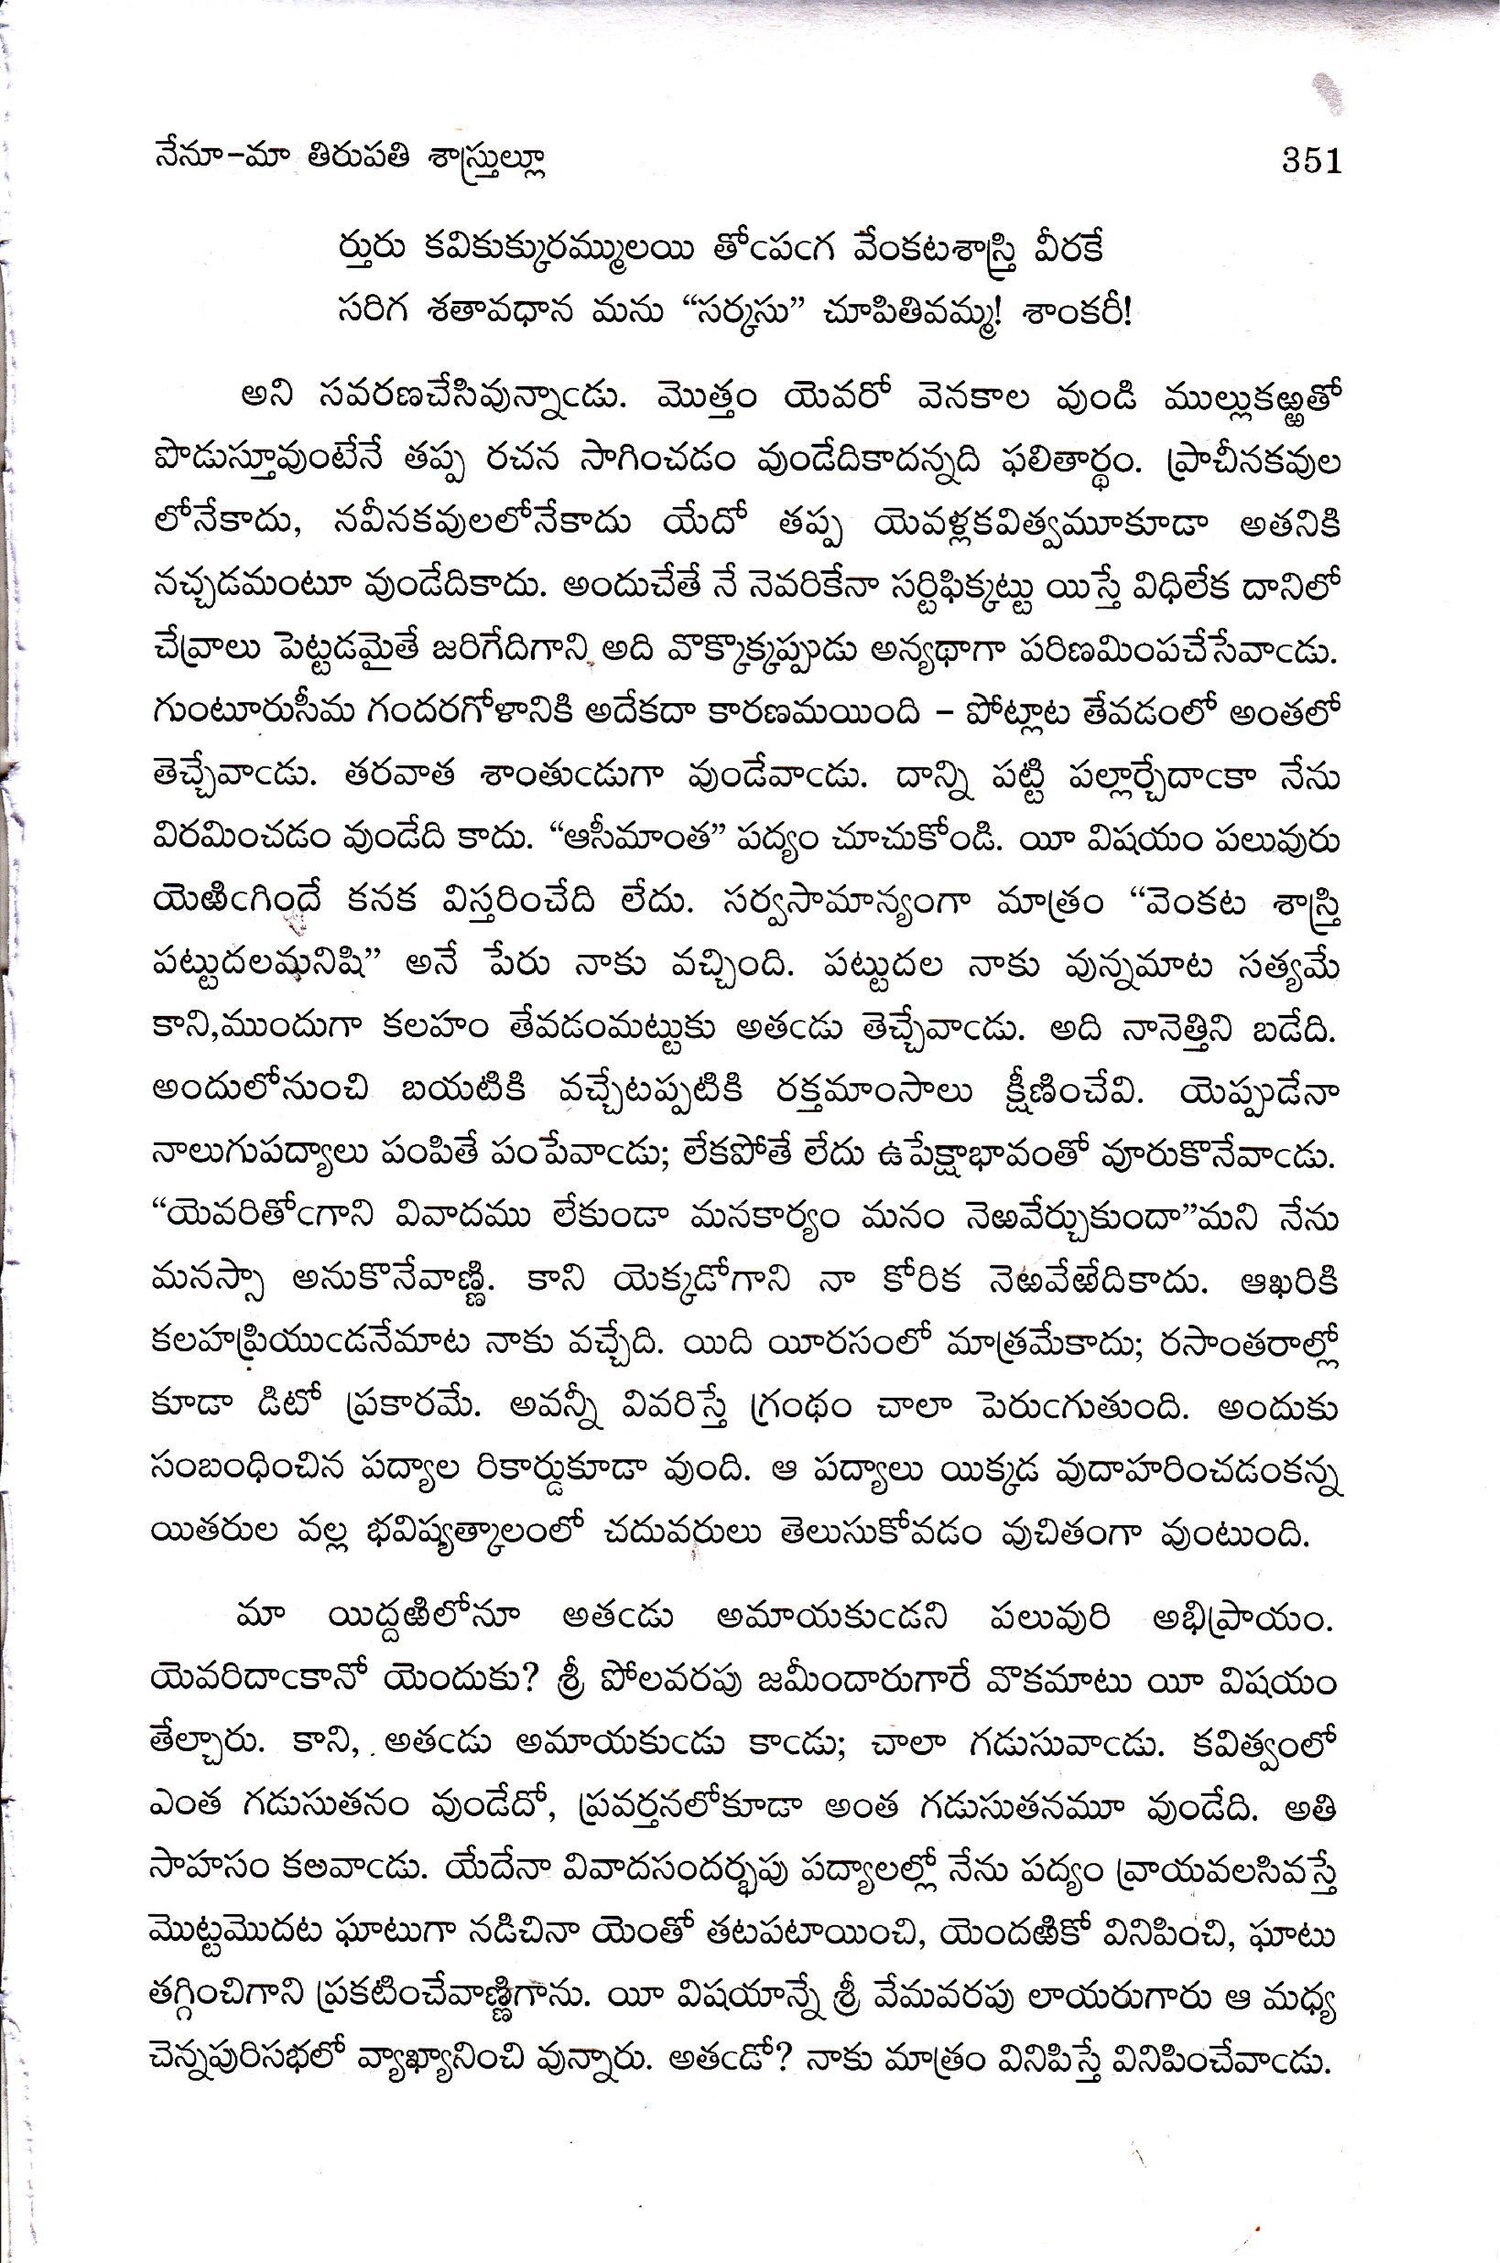ర్తురు కవికుక్కురమ్ములయి తోఁపఁగ వేంకటశాస్త్రి వీరకే 
 సరిగ శతావధాన మను "సర్కసు” చూపితివమ్మ! శాంకరీ!
అని సవరణచేసివున్నాఁడు. మొత్తం యెవరో వెనకాల వుండి ముల్లుకఱ్ఱతో పొడుస్తూవుంటేనే తప్ప రచన సాగించడం వుండేదికాదన్నది ఫలితార్థం. ప్రాచీనకవులలోనేకాదు, నవీనకవులలోనేకాదు యేదో తప్ప యొవళ్లకవిత్వమూకూడా అతనికి నచ్చడమంటూ వుండేదికాదు. అందుచేతే నే నెవరికేనా సర్టిఫిక్కట్టు యిస్తే విధిలేక దానిలో చేవ్రాలు పెట్టడమైతే జరిగేదిగాని అది వొక్కొక్కప్పుడు అన్యథాగా పరిణమింపచేసేవాఁడు. గుంటూరుసీమ గందరగోళానికి అదేకదా కారణమయింది - పోట్లాట తేవడంలో అంతలో తెచ్చేవాఁడు. తరవాత శాంతుఁడుగా వుండేవాఁడు. దాన్ని పట్టి పల్లార్చేదాఁకా నేను విరమించడం వుండేది కాదు. “ఆసీమాంత" పద్యం చూచుకోండి. యీ విషయం పలువురు యెఱిఁగిందే కనక విస్తరించేది లేదు. సర్వసామాన్యంగా మాత్రం "వెంకట శాస్త్రి పట్టుదలమనిషి" అనే పేరు నాకు వచ్చింది. పట్టుదల నాకు వున్నమాట సత్యమే కాని,ముందుగా కలహం తేవడంమట్టుకు అతఁడు తెచ్చేవాఁడు. అది నానెత్తిని బడేది. అందులోనుంచి బయటికి వచ్చేటప్పటికి రక్తమాంసాలు క్షీణించేవి. యెప్పడేనా నాలుగుపద్యాలు పంపితే పంపేవాఁడు; లేకపోతే లేదు ఉపేక్షాభావంతో వూరుకొనేవాఁడు. "యెవరితోఁగాని వివాదము లేకుండా మనకార్యం మనం నెఱవేర్చుకుందా"మని నేను మనస్సా అనుకొనేవాణ్ణి. కాని యెక్కడోగాని నా కోరిక నెఱవేఱేదికాదు. ఆఖరికి కలహప్రియుఁడనేమాట నాకు వచ్చేది. యిది యీరసంలో మాత్రమేకాదు; రసాంతరాల్లో కూడా డిటో ప్రకారమే. అవన్నీ వివరిస్తే గ్రంథం చాలా పెరుగుతుంది. అందుకు సంబంధించిన పద్యాల రికార్డుకూడా వుంది. ఆ పద్యాలు యిక్కడ వుదాహరించడంకన్న యితరుల వల్ల భవిష్యత్కాలంలో చదువరులు తెలుసుకోవడం వుచితంగా వుంటుంది.

మా యిద్దఱిలోనూ అతఁడు అమాయకుఁడని పలువురి అభిప్రాయం. యెవరిదాఁకానో యెందుకు? శ్రీ పోలవరపు జమీందారుగారే వొకమాటు యీ విషయం తేల్చారు. కాని, . అతcడు అమాయకుఁడు కాఁడు; చాలా గడుసువాడు. కవిత్వంలో ఎంత గడుసుతనం వుండేదో, ప్రవర్తనలోకూడా అంత గడుసుతనమూ వుండేది. అతి సాహసం కలవాఁడు. యేదేనా వివాదసందర్భపు పద్యాలల్లో నేను పద్యం వ్రాయవలసివస్తే మొట్టమొదట ఘాటుగా నడిచినా యెంతో తటపటాయించి, యెందఱికో వినిపించి, ఘాటు తగ్గించిగాని ప్రకటించేవాణ్ణిగాను. యీ విషయాన్నే శ్రీ వేమవరపు లాయరుగారు ఆ మధ్య చెన్నపురిసభలో వ్యాఖ్యానించి వున్నారు. అతఁడో? నాకు మాత్రం వినిపిస్తే వినిపించేవాఁడు.
^